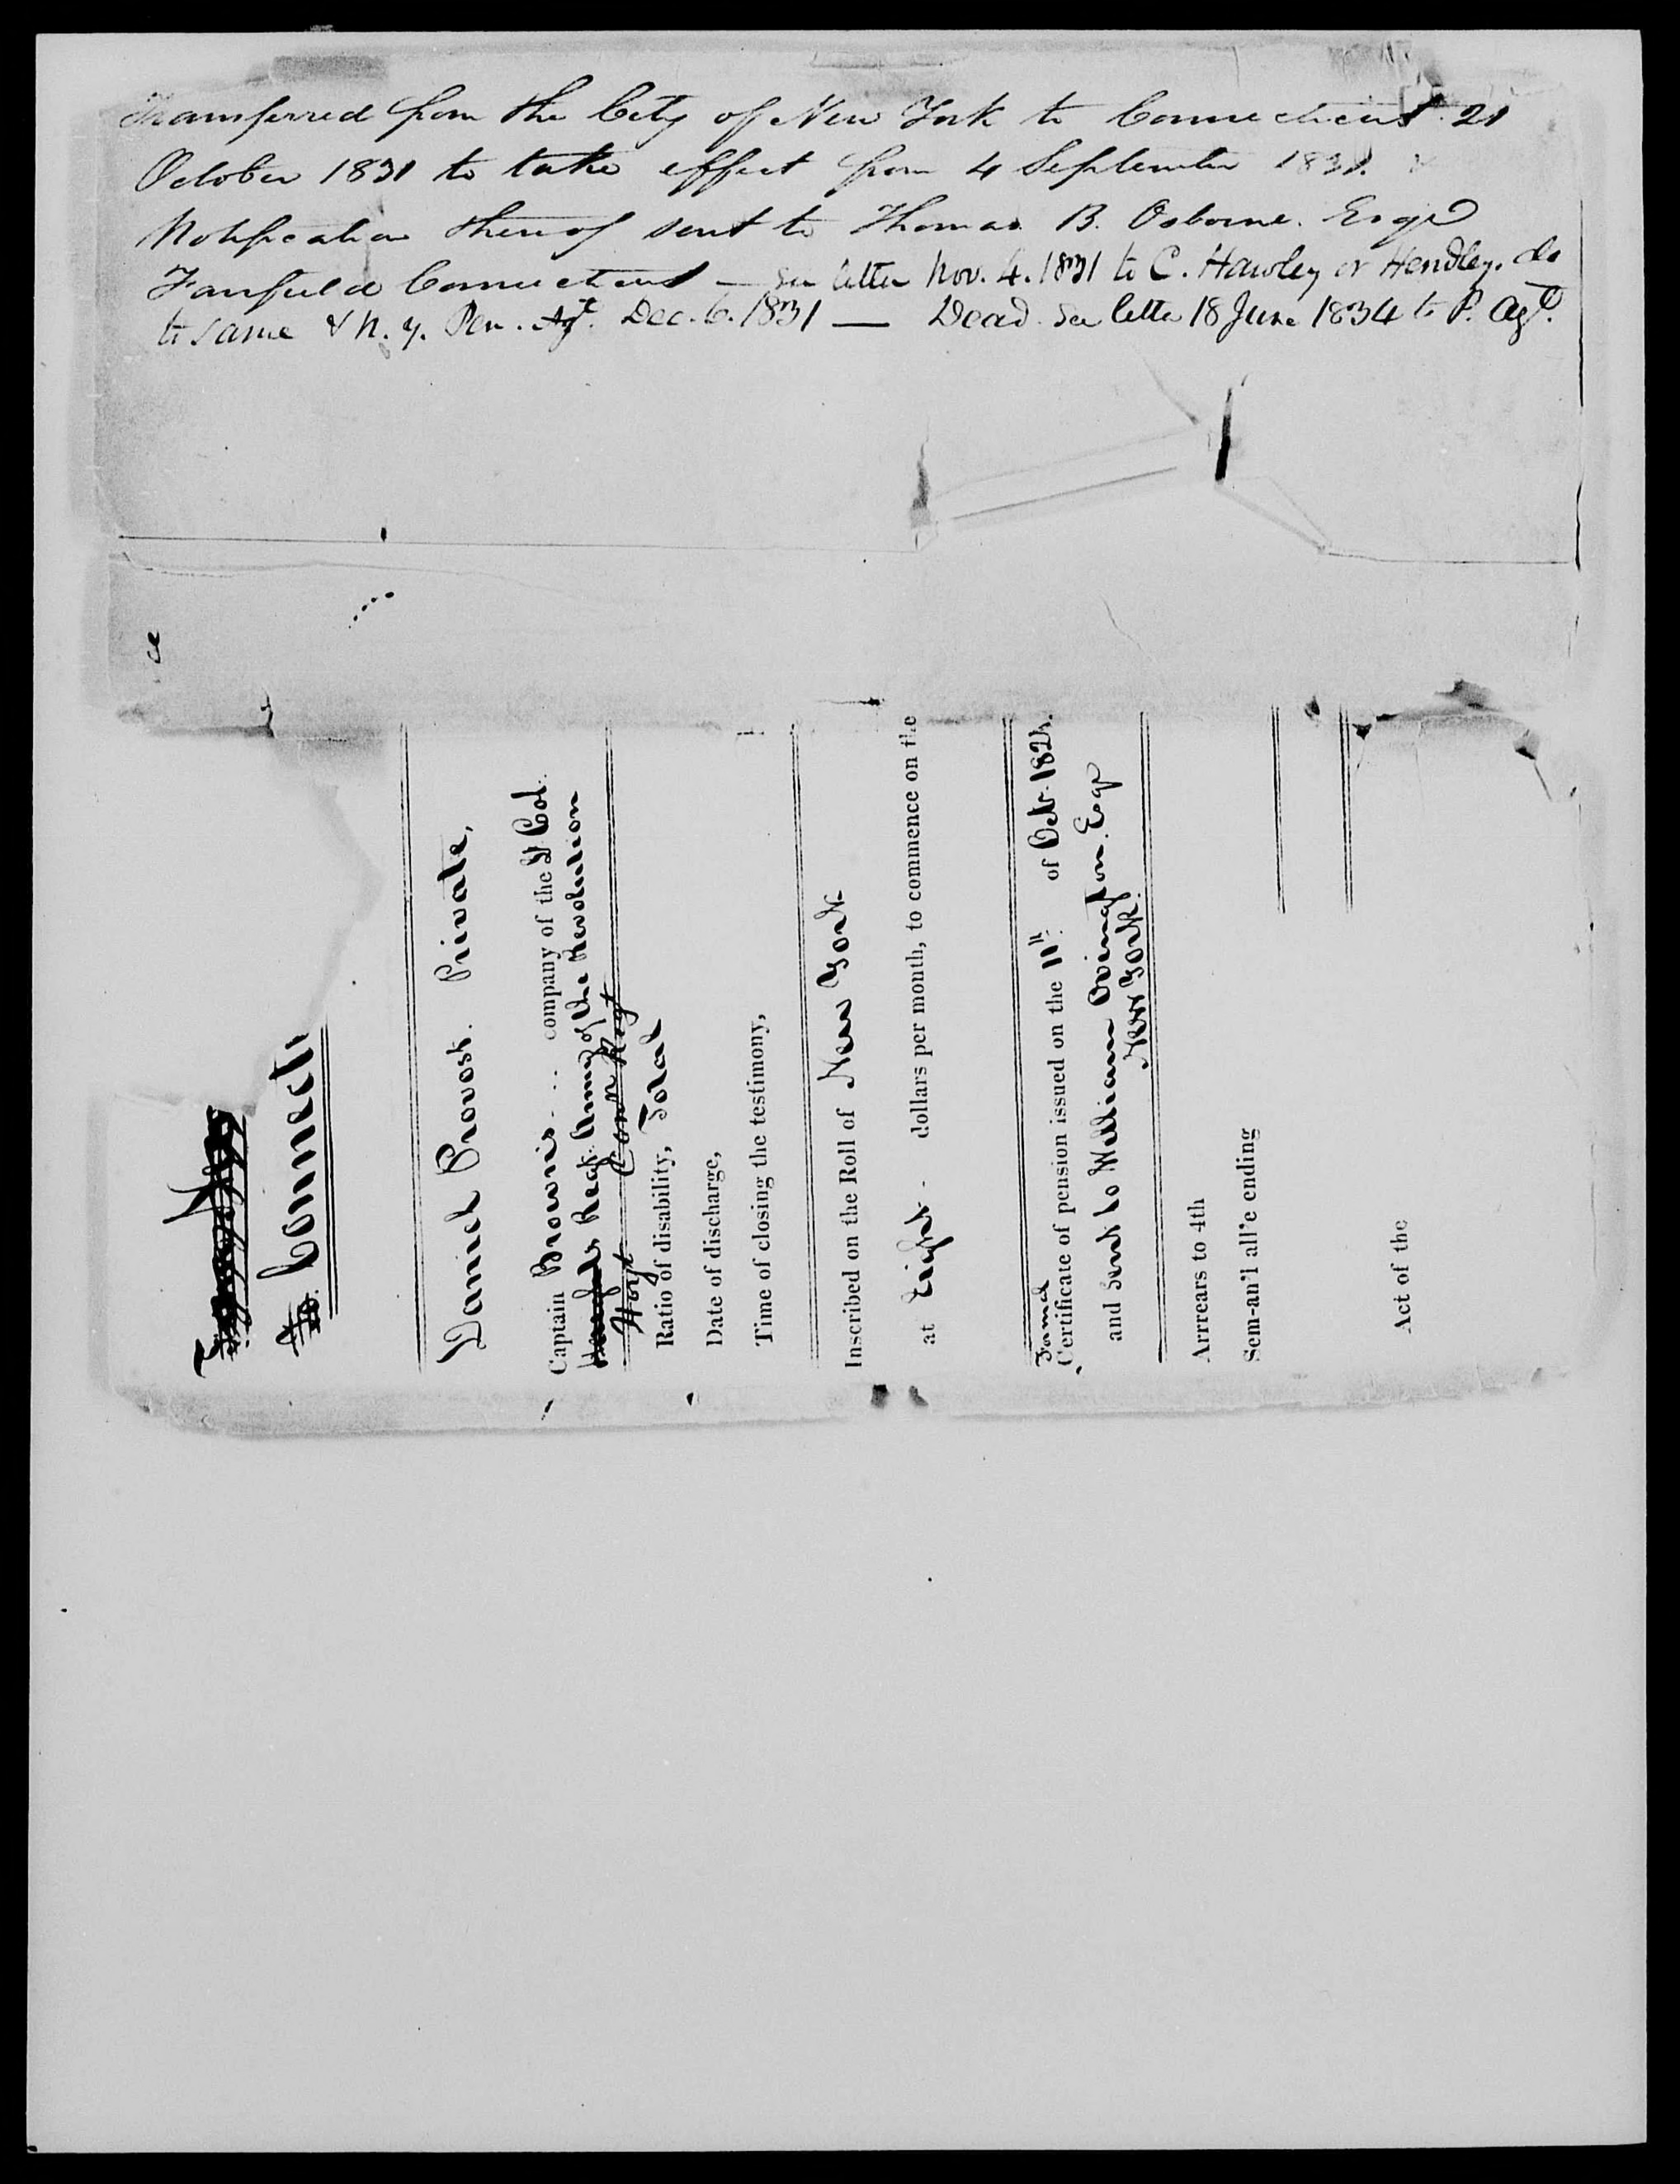Transferred from the City of New York to Connecticut 21
October 1831 to take effect from 4 September 1831
Notification thereof sent to Thomas B. Osborne Esq
Fairfield Connecticut - sent letter Nov 4 1831 to C Hawley or Hendley
to same & N. Y. Pen Agt Dec 6 1831- Dead ser letter 18 June 1834 to P Agt
Connect
Daniel Provost, Private
Captain Brown's company of the Lt. Col.
Hoyt Regt. Army of the Revolution
Conn Regt
Ratio of disability, Total
Date of discharge,
Time of closing the testimony,
Inscribed on the Roll of New York
at Eight dollars per month, to commence on the
Formal Certificate of Pension issued on the 11th of Feb. 1824,
and sent to William Ovington Esqr
New York
Arrrears to 4th
Semi-an'l all'ce ending
Act of the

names: C Hendley; Daniel Provost; Thomas B Osborne; William Ovington; C Hawley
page: 3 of 24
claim: survivor's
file: S. 20,926, for Daniel Provost, Connecticut